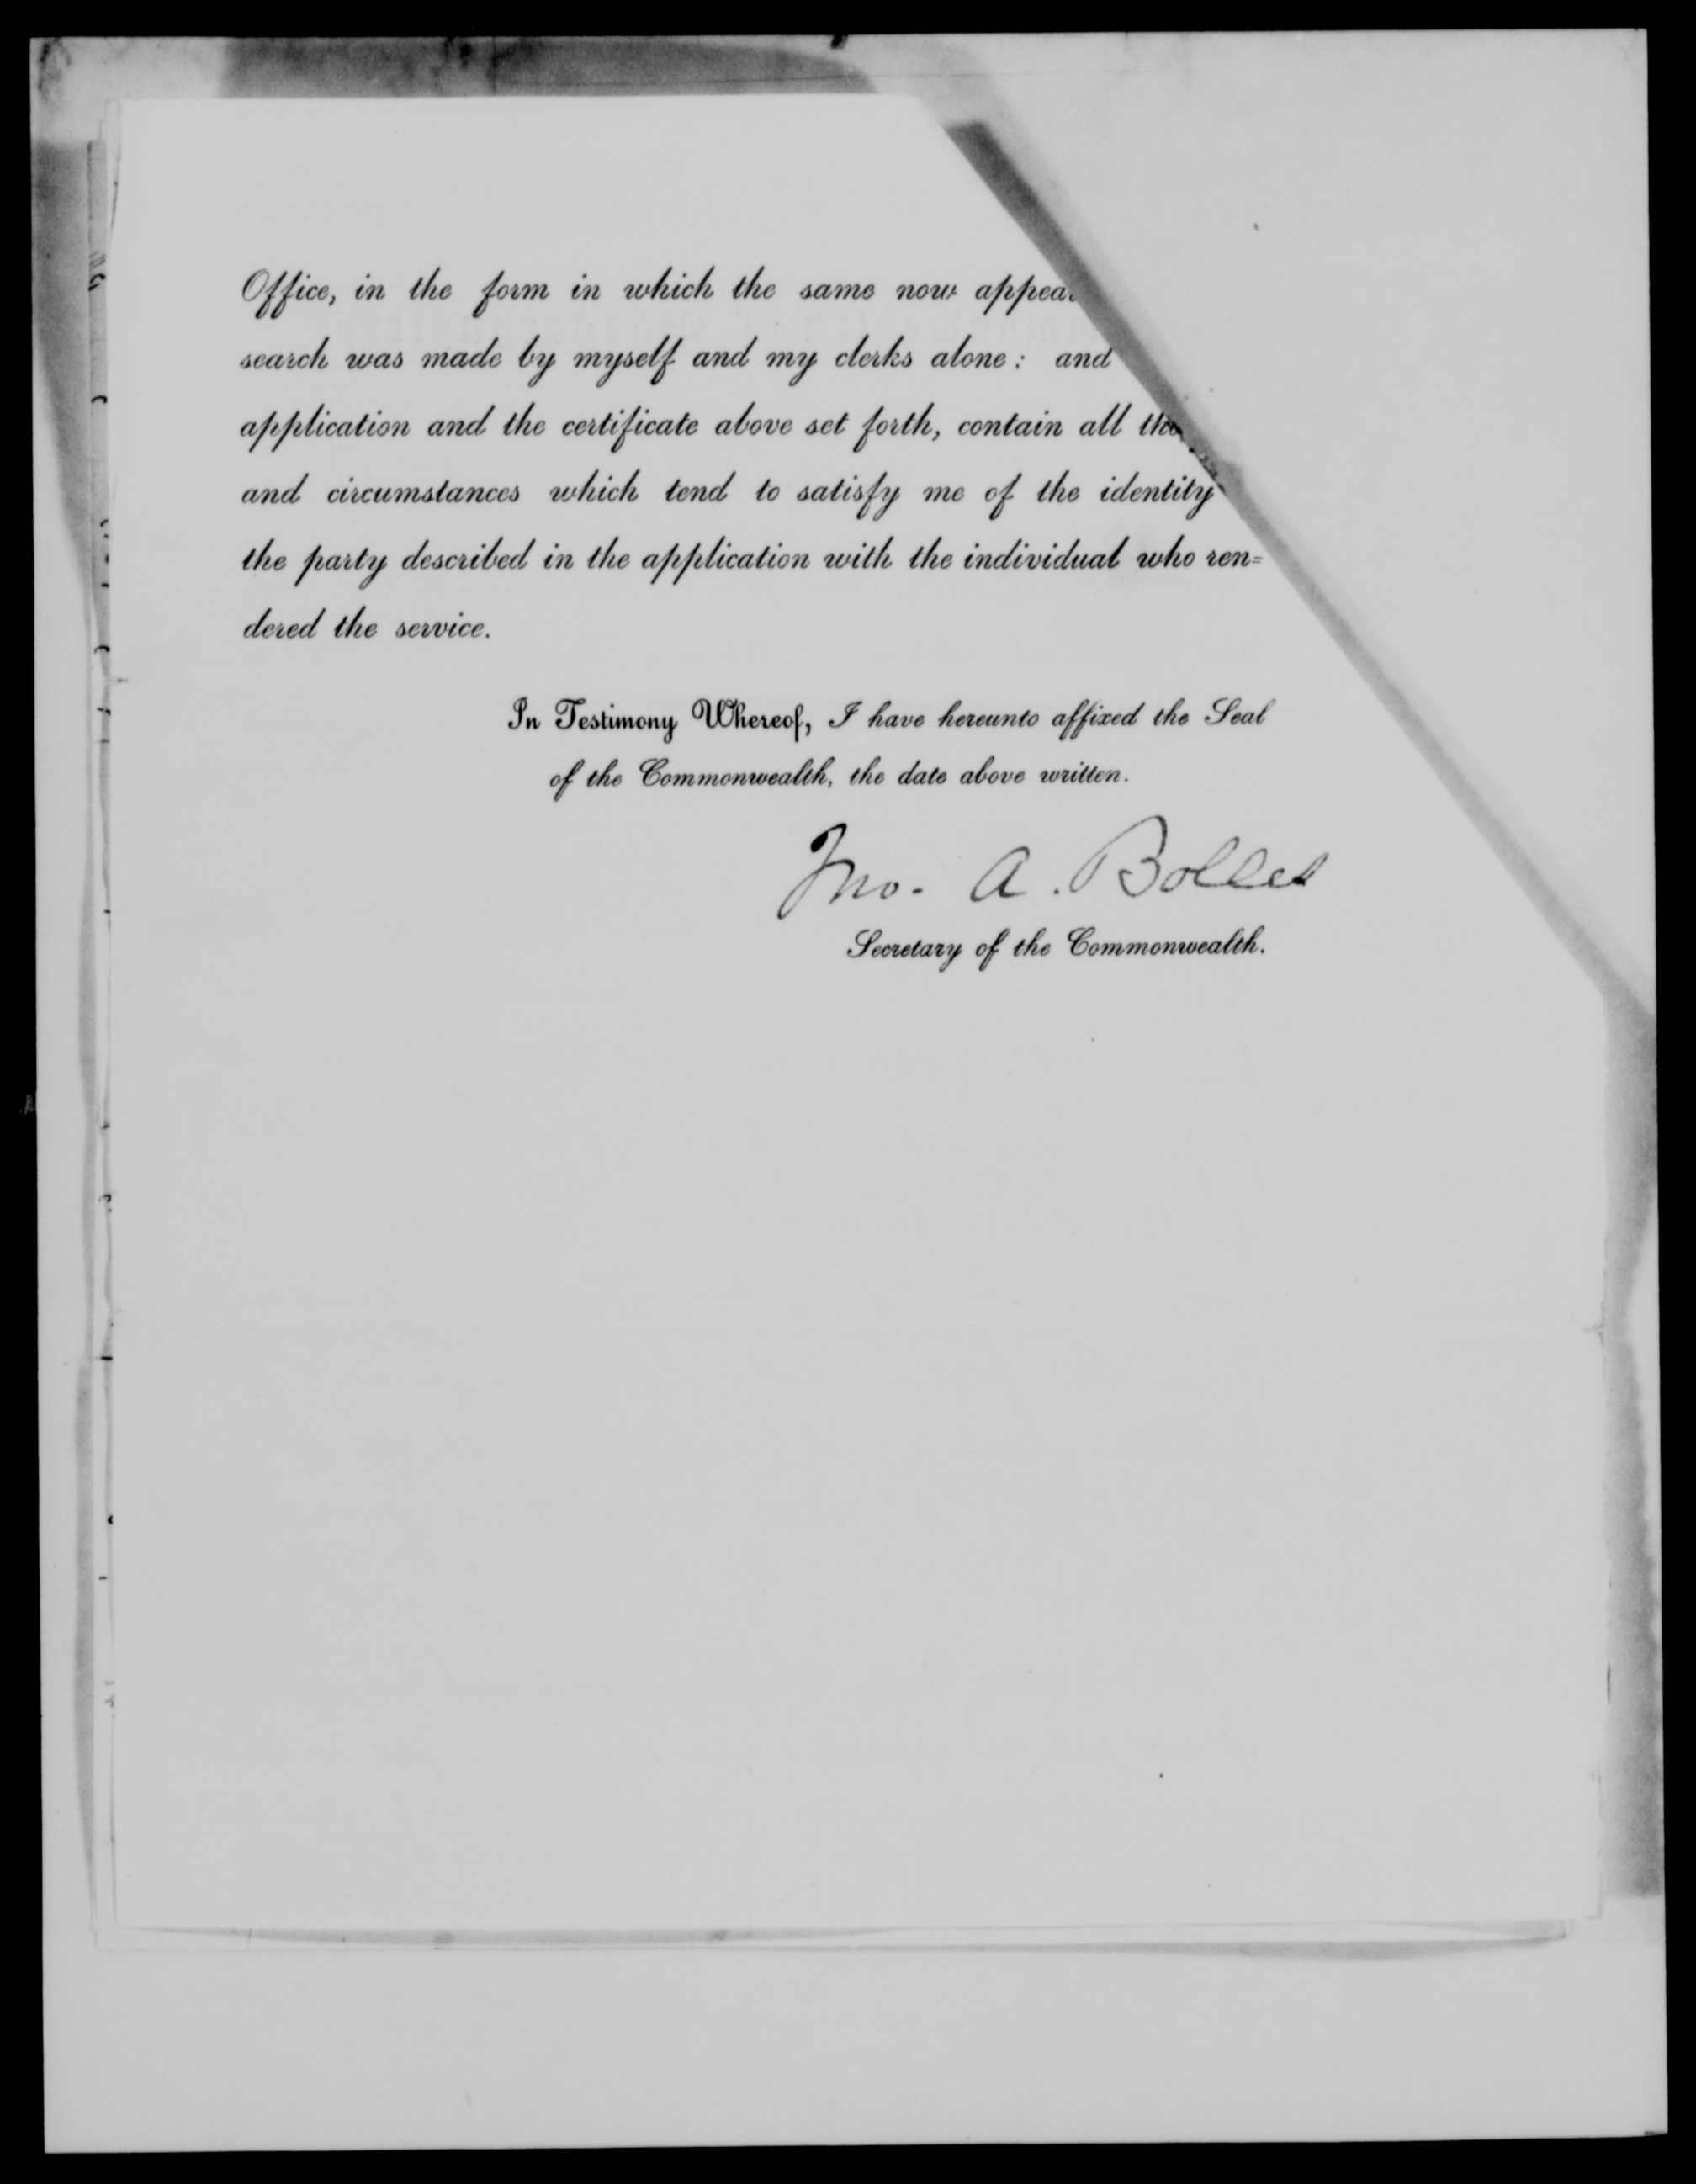[print] Office, in the form in which the same now appear [cut off] 
search was made by myself and my clerks alone; and [cut off]
application and the certificate above set forth, contain all the [cut off]
and circumstances which tend to satisfy me of the identity [cut off]
the party described in the application with the individual who ren-
dered the service. 

In Testimony Whereof, I have hereunto affixed the Seal
of the Commonwealth, the date above written. 

[handwritten] Mr. A. Bolles
[print] Secretary of the Commonwealth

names: Jno A Bolles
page: 8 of 40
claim: widow's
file: W. 18,426, Abel Wilder, Mass. N.H. Vt.